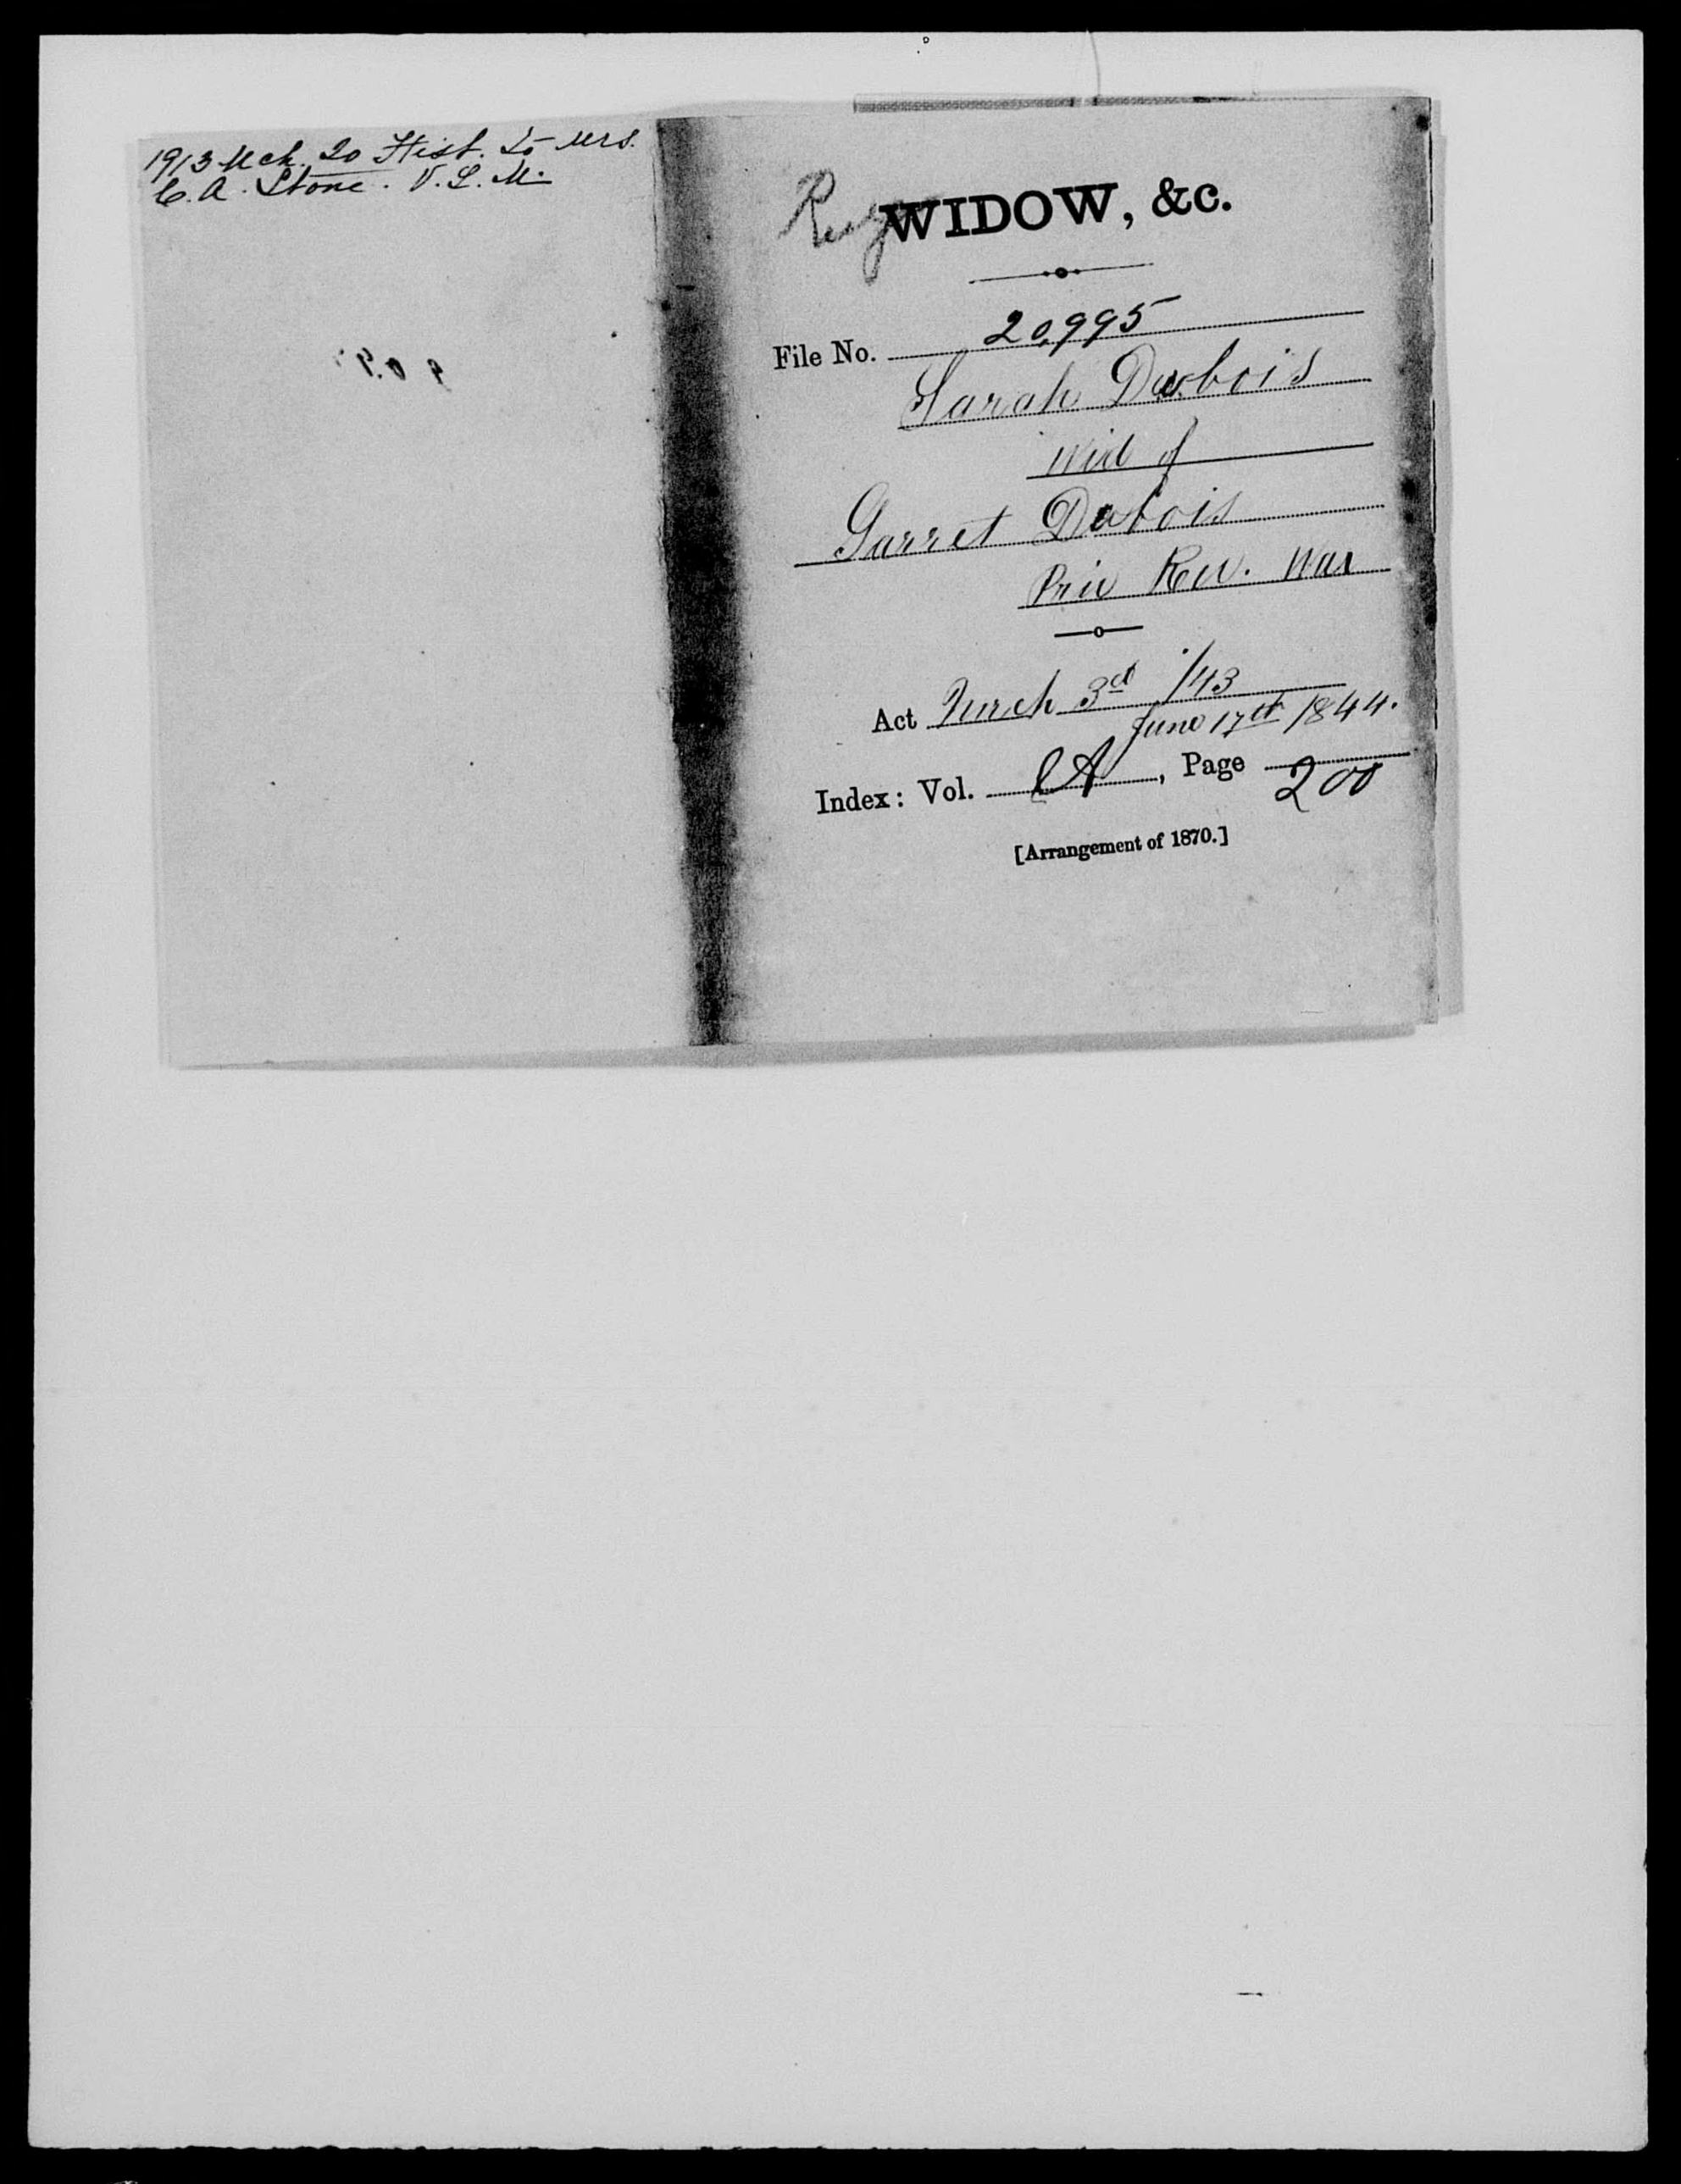[left facing page]
1913 M ck. 20 Hist. - Mrs.
C. A. Stone V. L. M.

[right facing page]
[illegible scribble "Ready"?} WIDOW, &c.
File No. 20995
Sarah Dubois
Wife of
Garret Dubois
Priv Rev. War
Act March 3rd /43
June 17th 1844
Index: Vol. A Page 200
Arrangement of 1870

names: C A Stone, Garret Dubois, Sarah Dubois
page: 19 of 36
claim: widow's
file: W 20995, Gerrit Dubois, New York